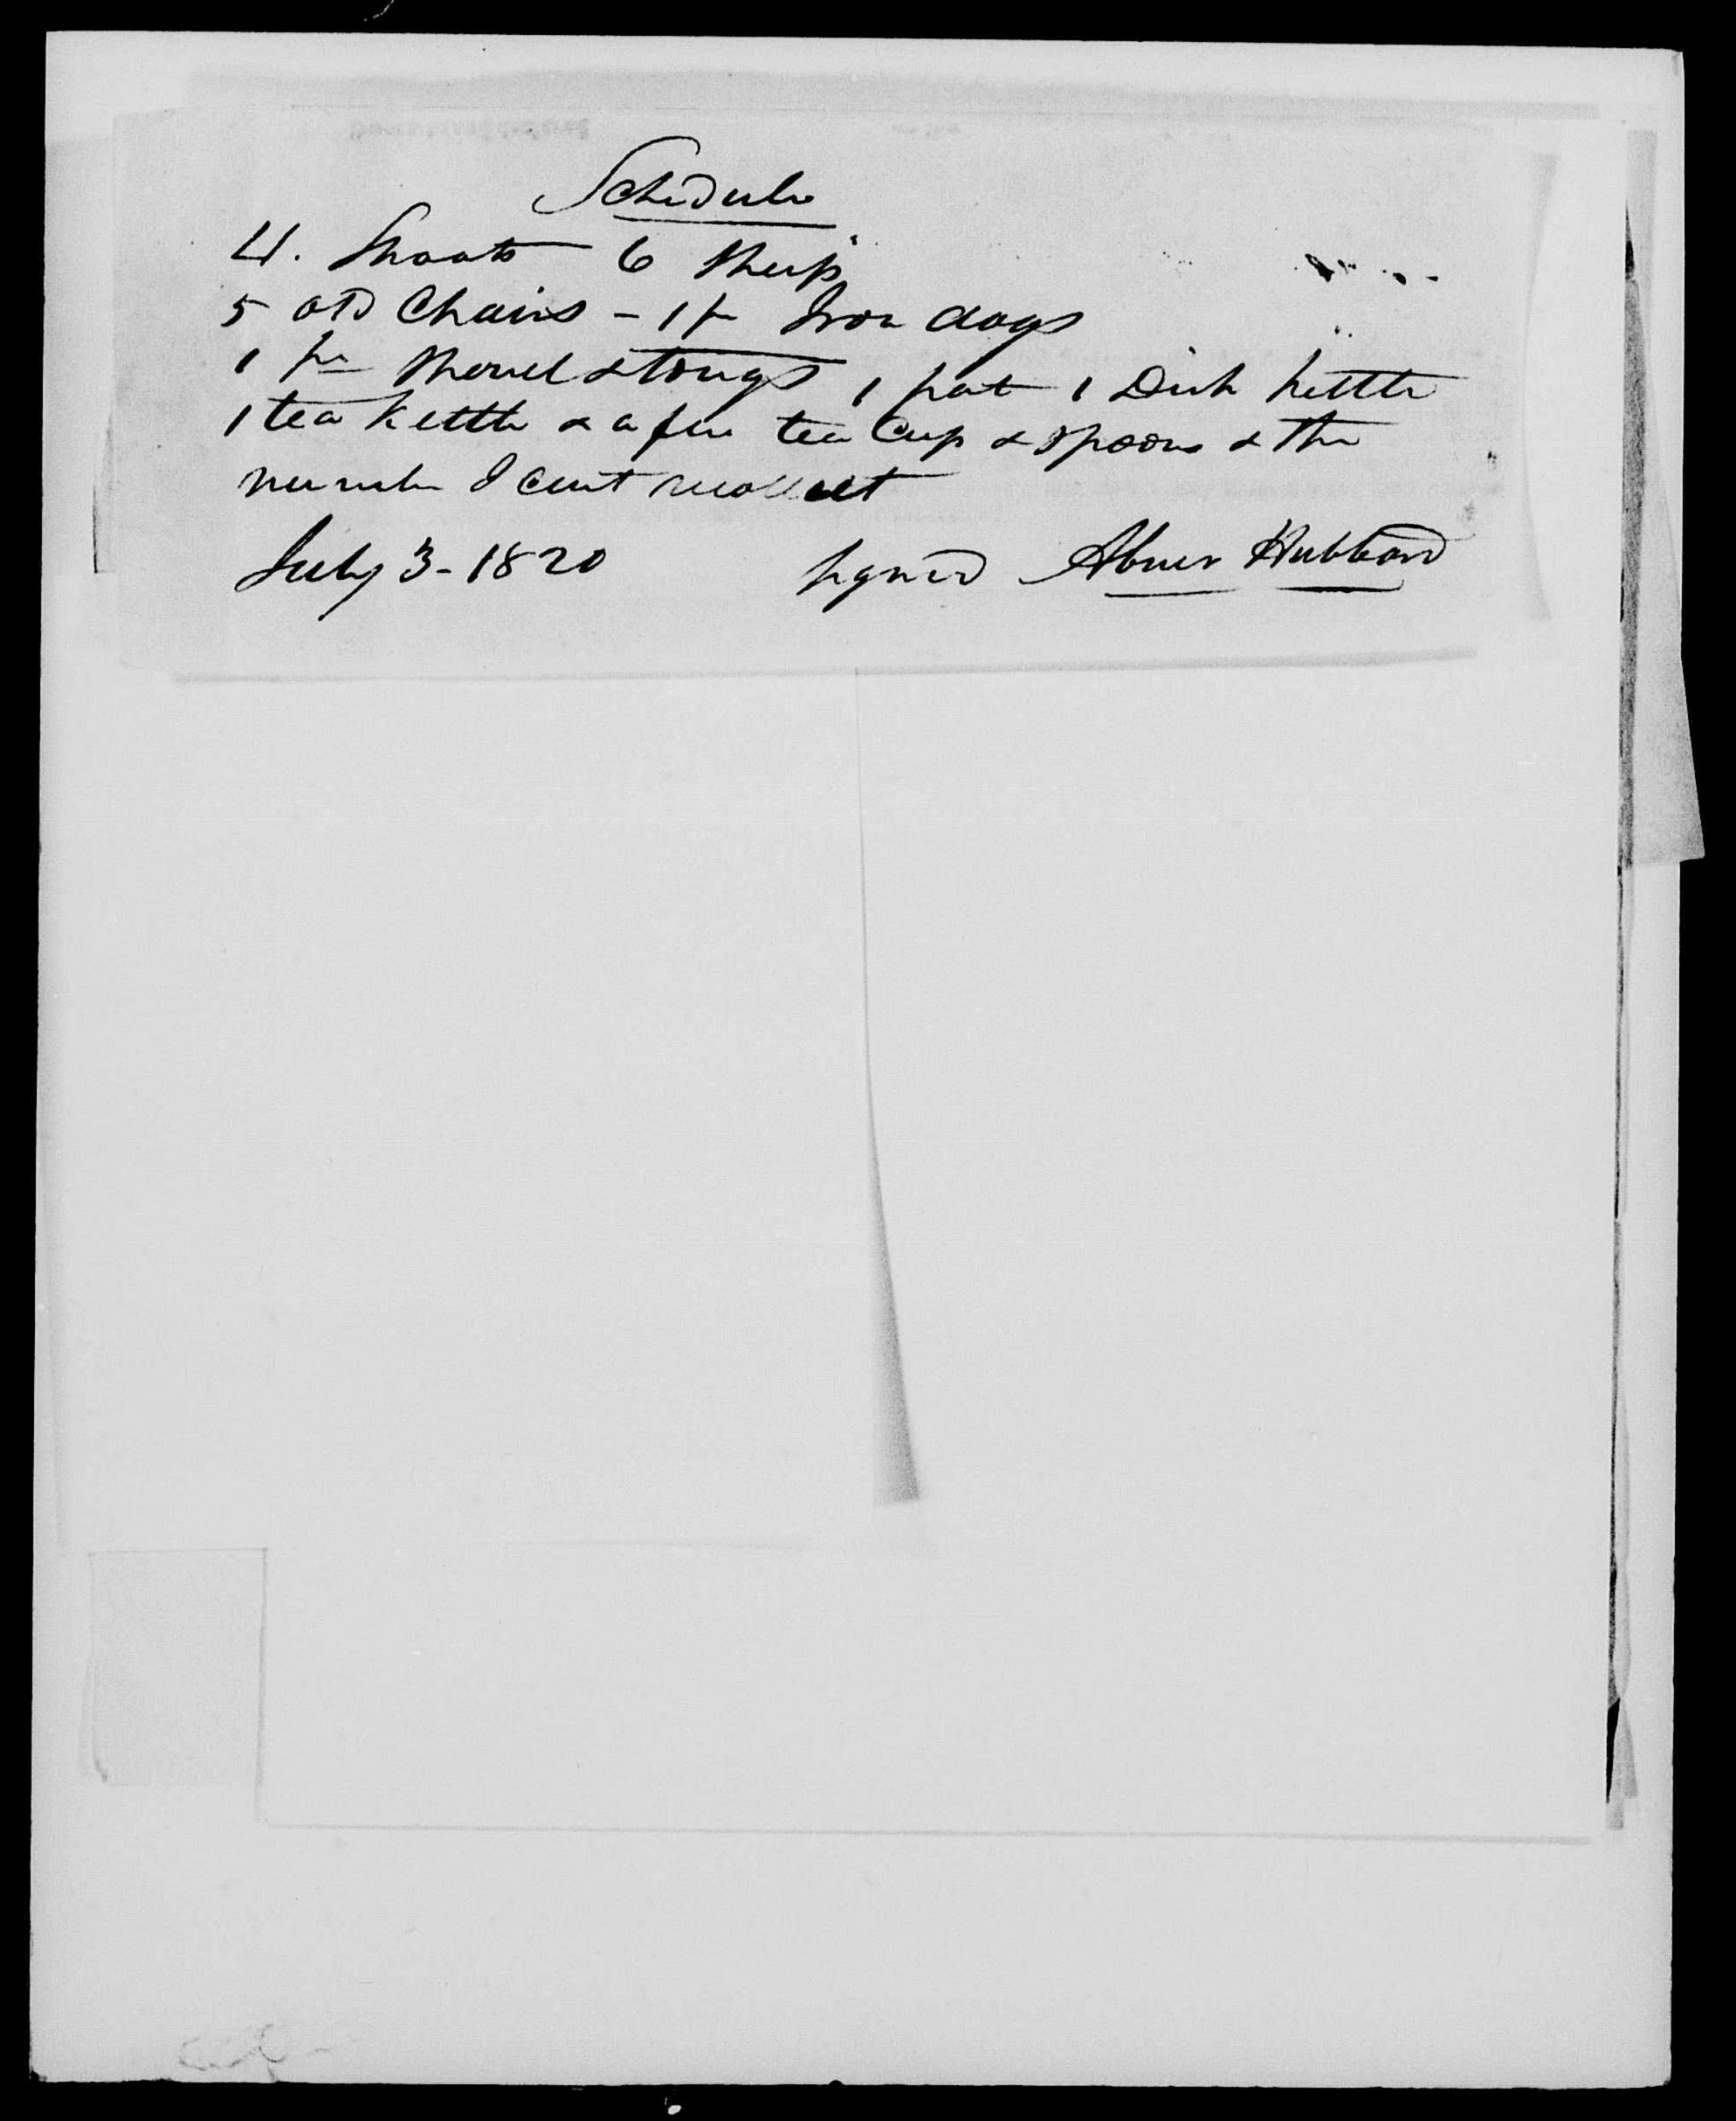Schedule
4 [illegible]
6 [illegible]
5 old chairs
11 iron dogs
1 [illegible] & tongs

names: Abner Hubbard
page: 6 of 38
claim: widow's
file: W. 23,381, Abner Hubbard, Continental Mass.